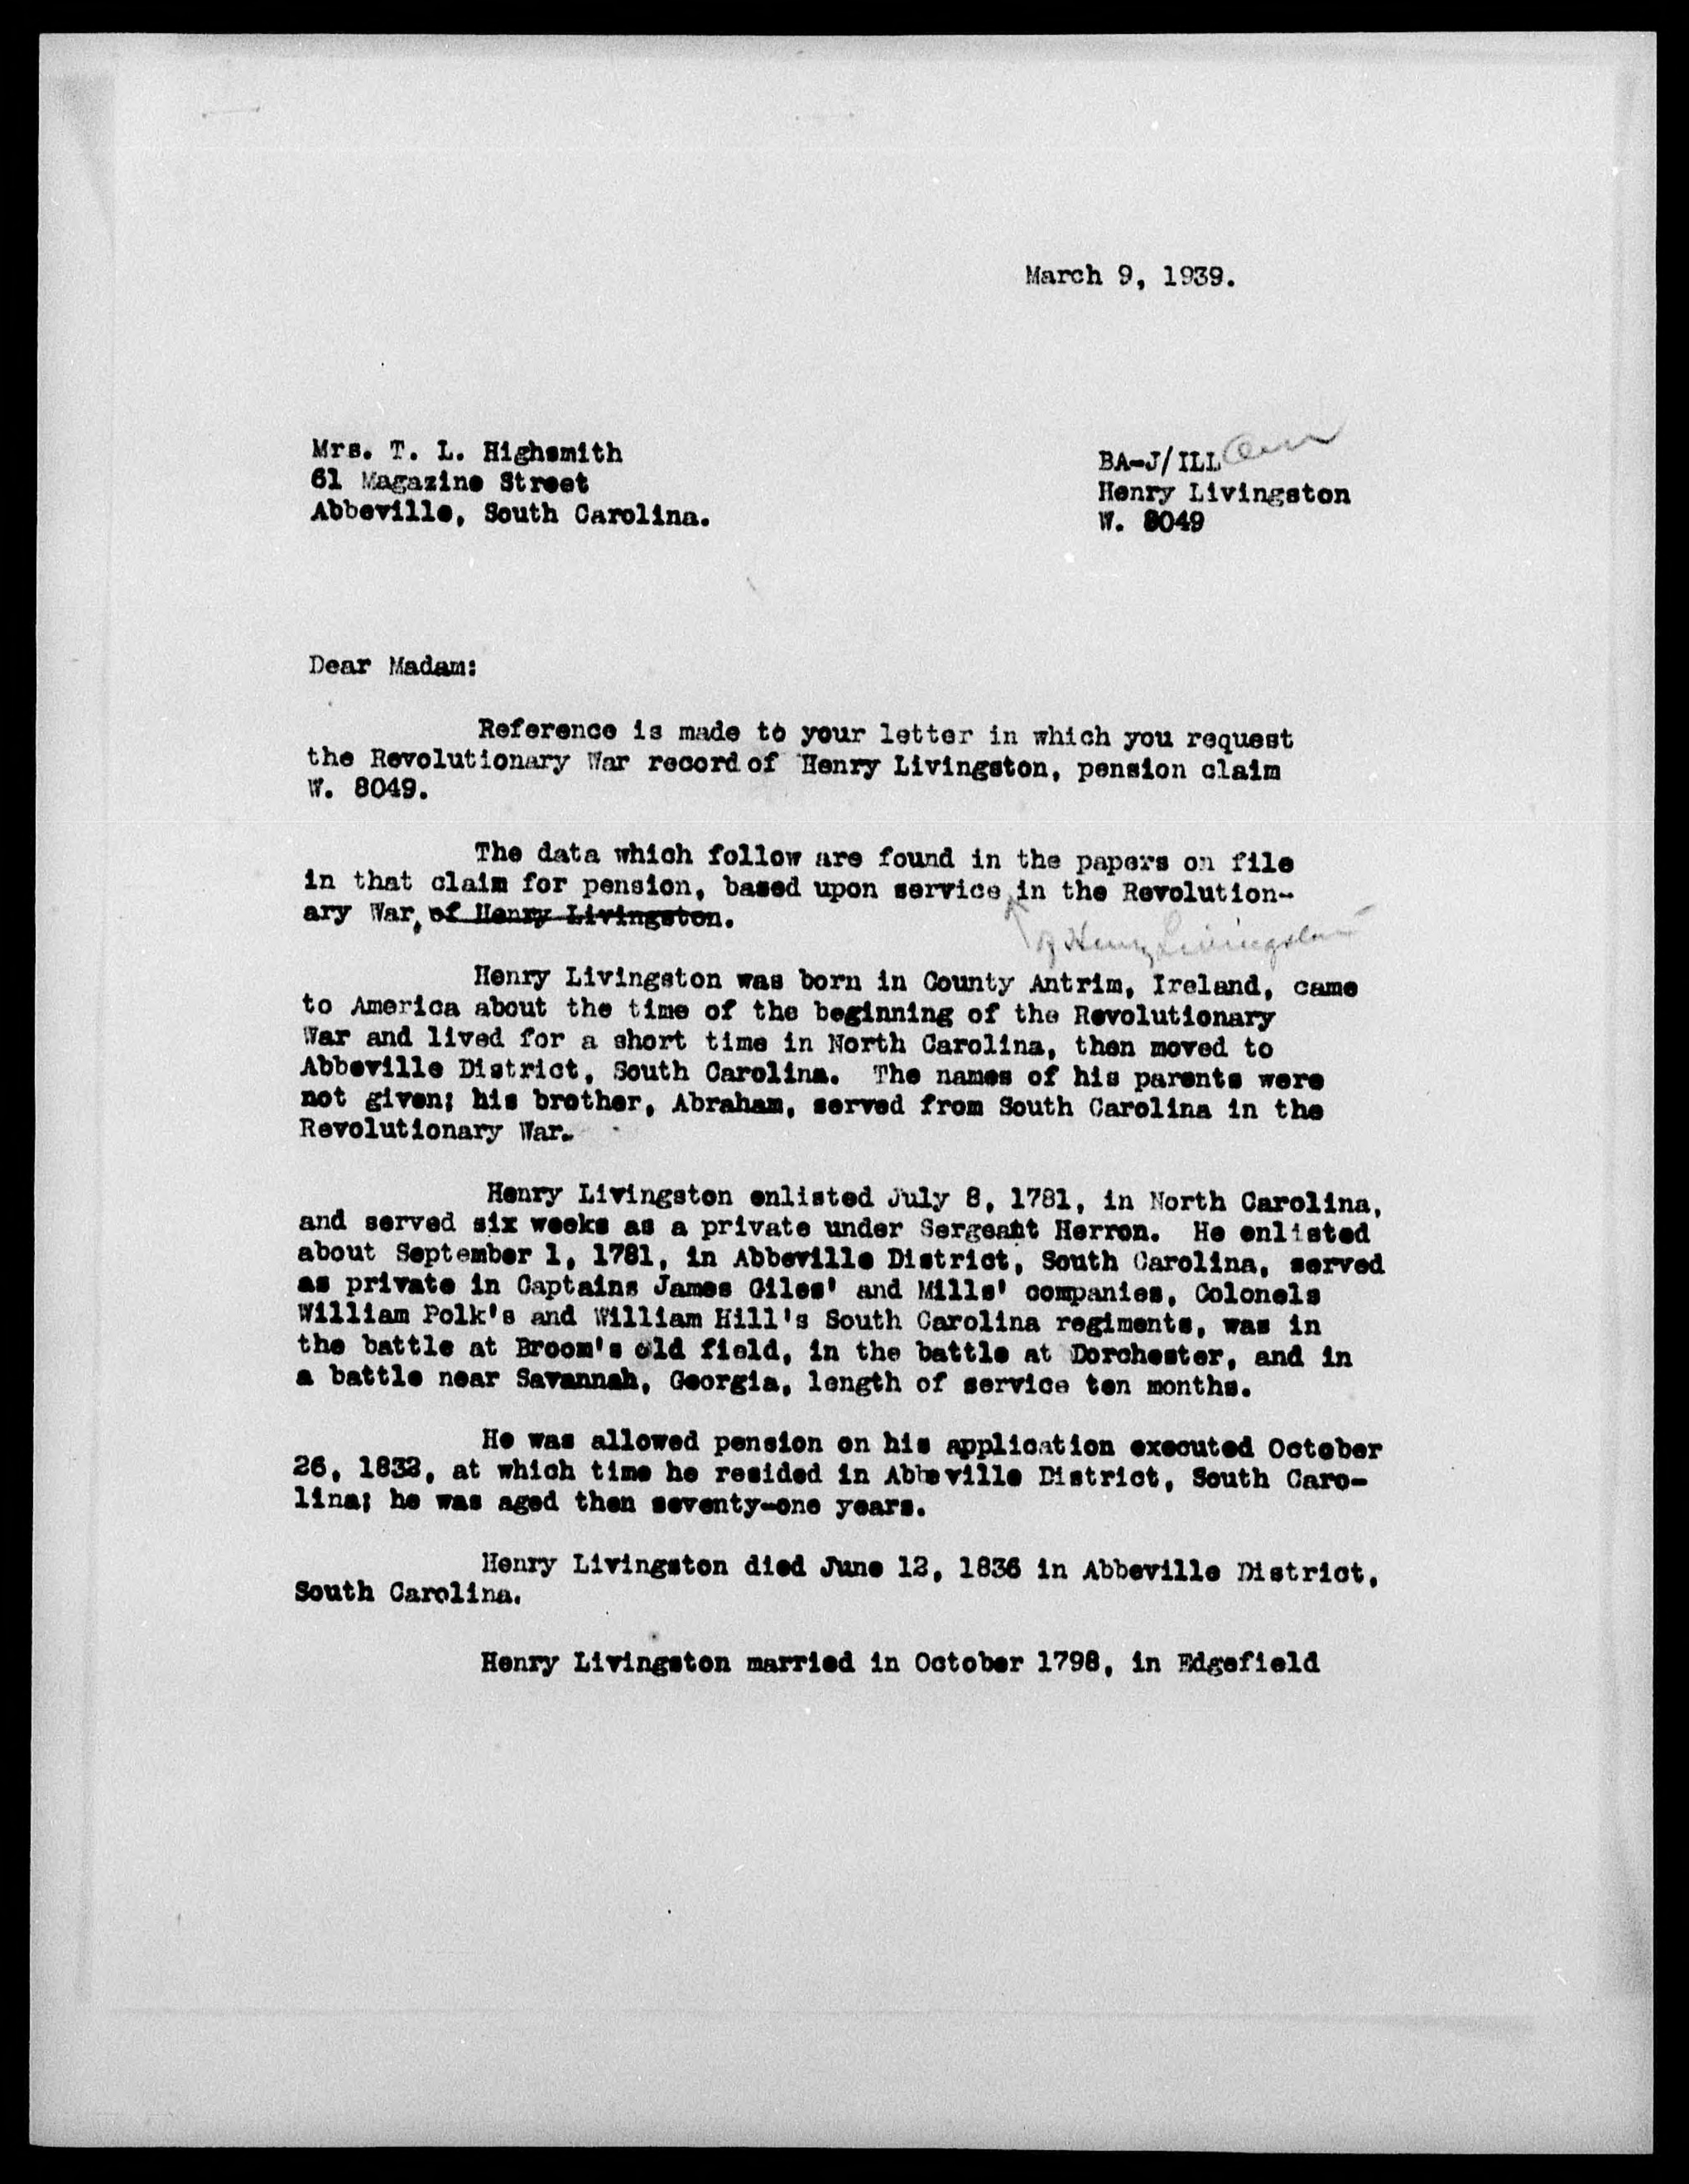BA-J/ILL       
Henry Livingston
W. 8049

Mrs. T. L. Highsmith
61 Magazine Street
Abbeville, South Carolina

Dear Madam:
reference is made to your letter in which you request the Revolutionary War record of Henry Livingston, pension claim W. 8049.

The data which follow are found in the papers on file in that claim for pension, based upon service of Henry Livingston in the Revolutionary War.

Henry Livingston was born in county Antrim, Ireland, came to America about the time of the beginning of the Revolutionary War and lived for a short time in North Carolina, then moved to Abbeville District, South Carolina.  The names of his parents were no given; his brother, Abraham, served from South Carolina in the Revolutionary War.

Henry Livingston enlisted July 8, 1781, in North Carolina and served six weeks as a private under Sergeant Herron.  He enlisted about September 1, 1781, in Abbeville District, South Carolina, served as private in Captains James Giles' and Mills' companies, Colonels William Polk's and William Hill's South Carolin regiments, was in the battle at Broom's old field, in the battle at Dorchester, and in a battle near Savannah, Georgia, length of service ten months.

He was allowed pension on his application executed October 26, 1832, at which time he resided in Abbeville District, South Carolina;  he was aged then seventy-one years.

Henry Livingston died June 12, 1836 in Abbeville District, South Carolina.

Henry Livingston married in October 1798, in Edgefield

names: T L Highsmith; Henry Livingston; [BLANK] Herron; Abraham [BLANK]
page: 19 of 63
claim: widow's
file: W. 8,049, for Henry Livingston, North Carolina